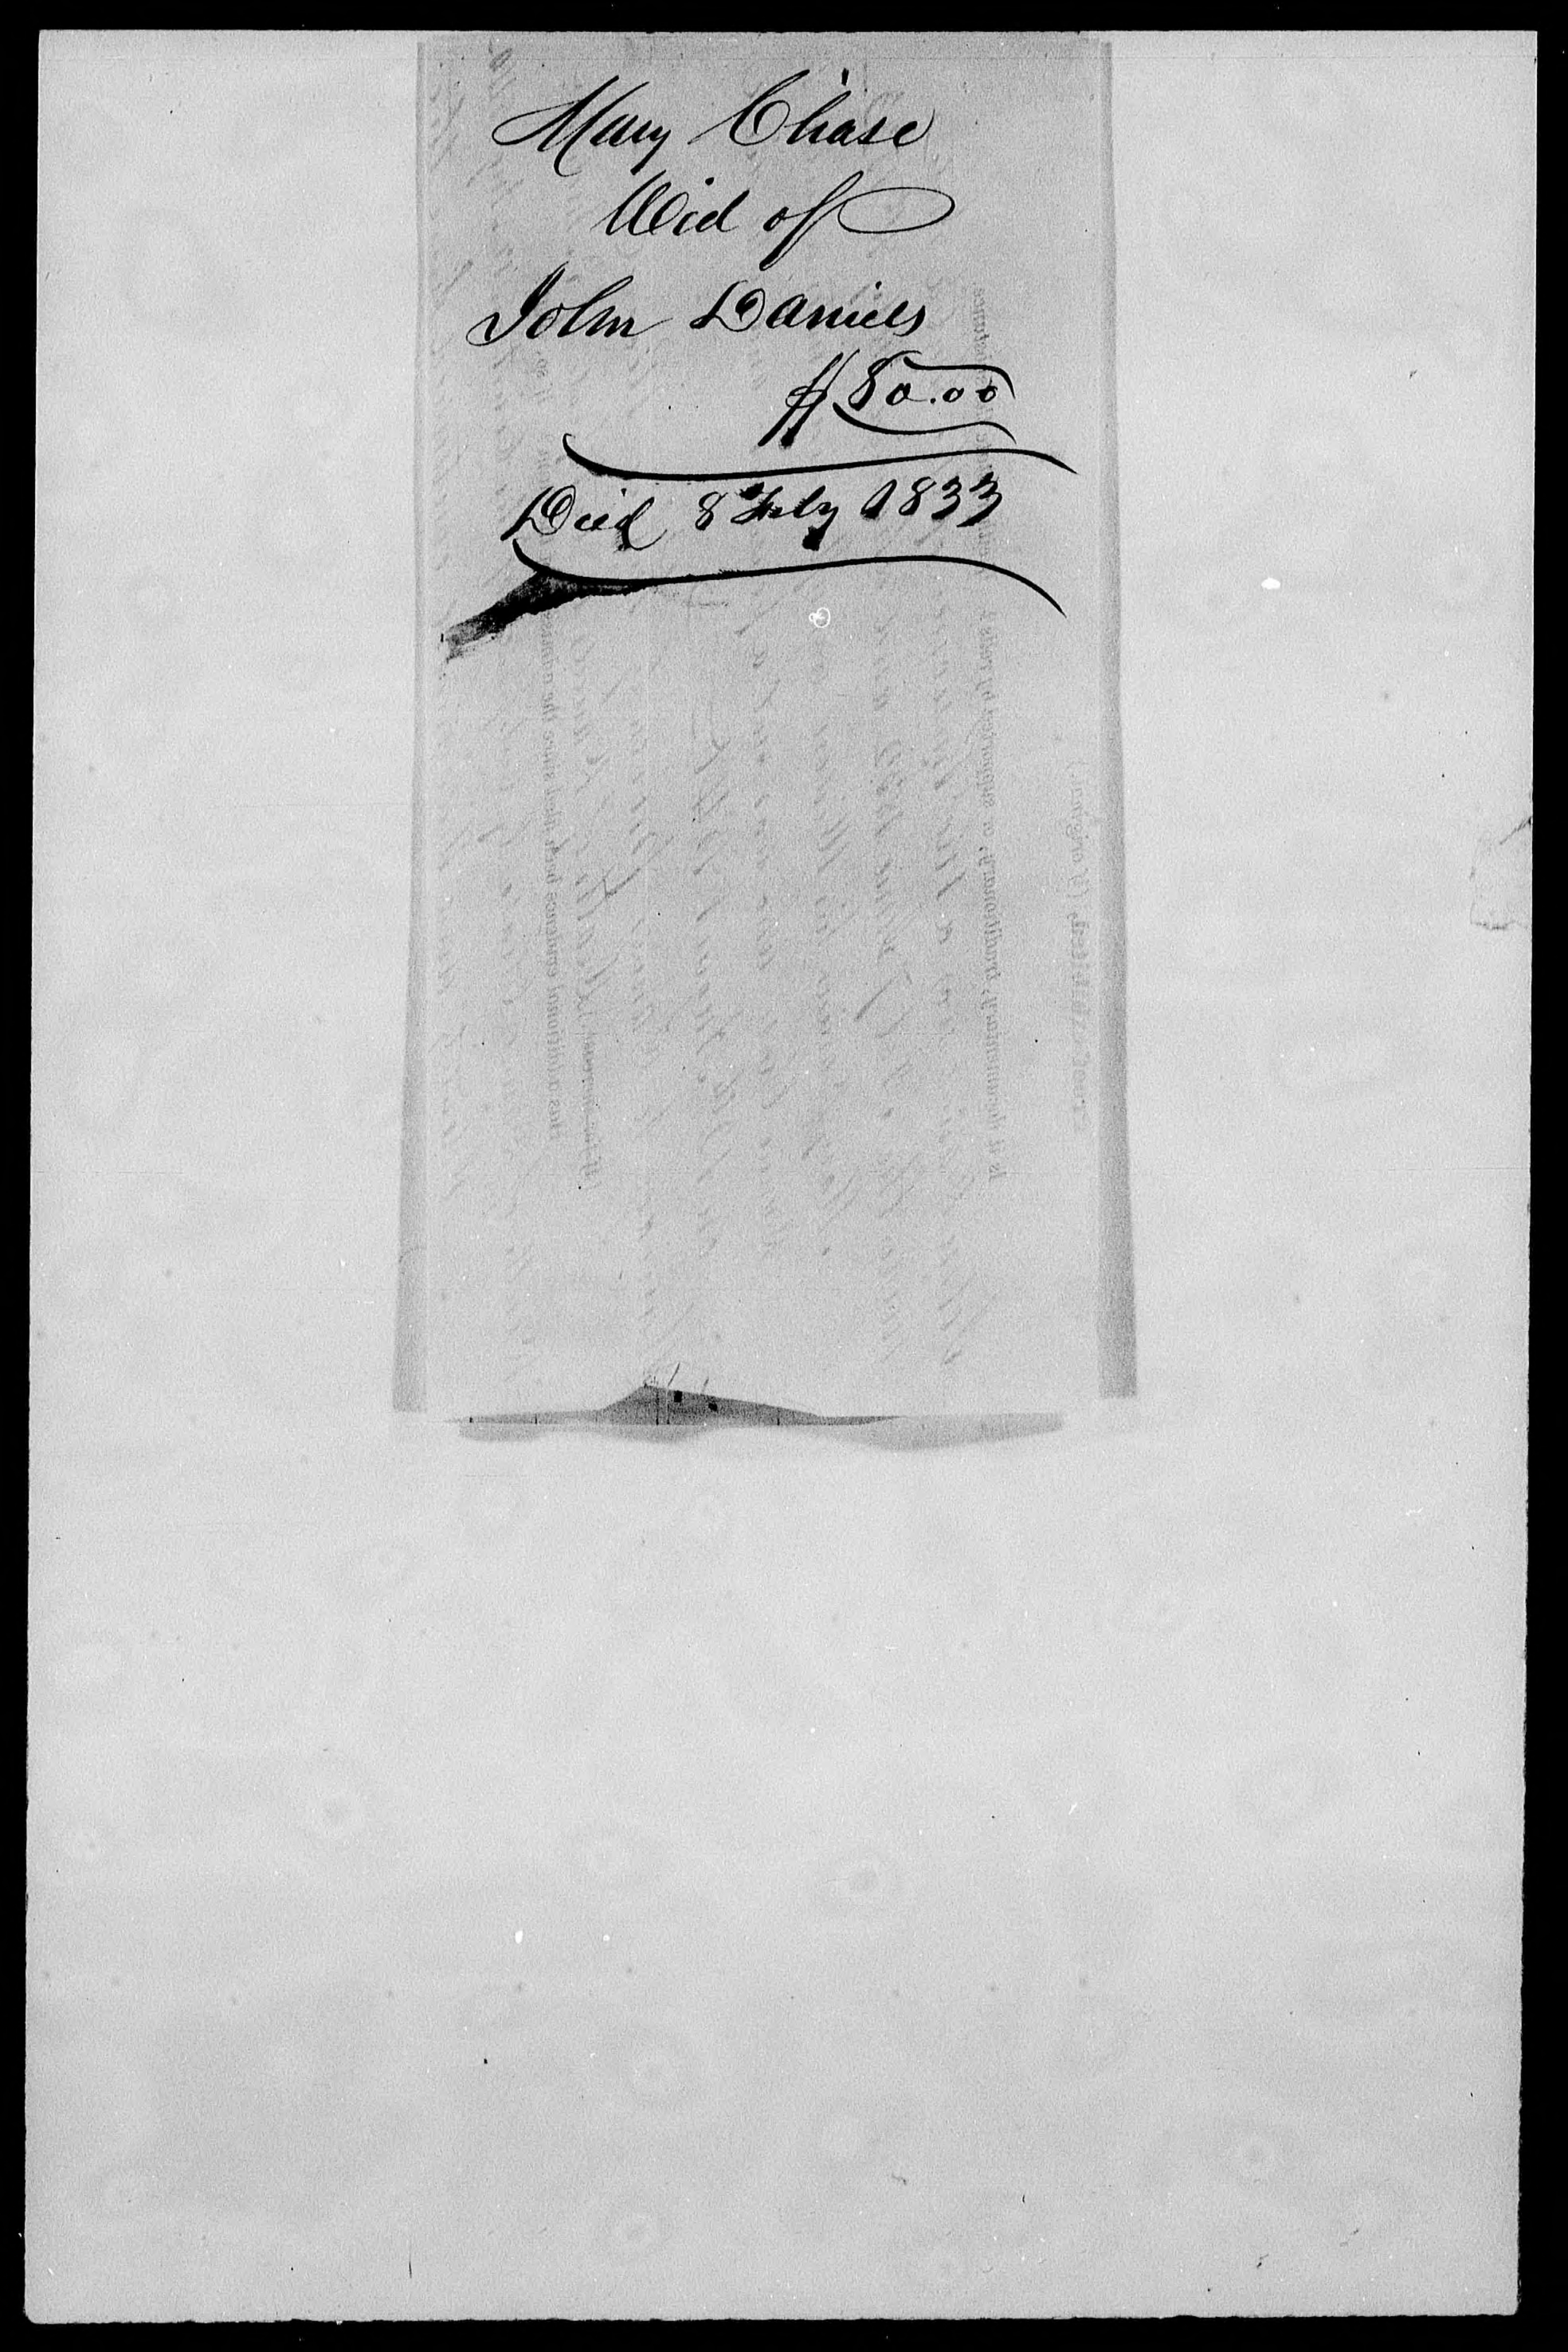Mary Chase
Wid of
John Daniels
$80.00
Died 8 Feby 1833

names: Mary Chase, John Daniels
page: 20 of 43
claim: widow's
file: W 683, John Daniels, Continental Mass. N.H.